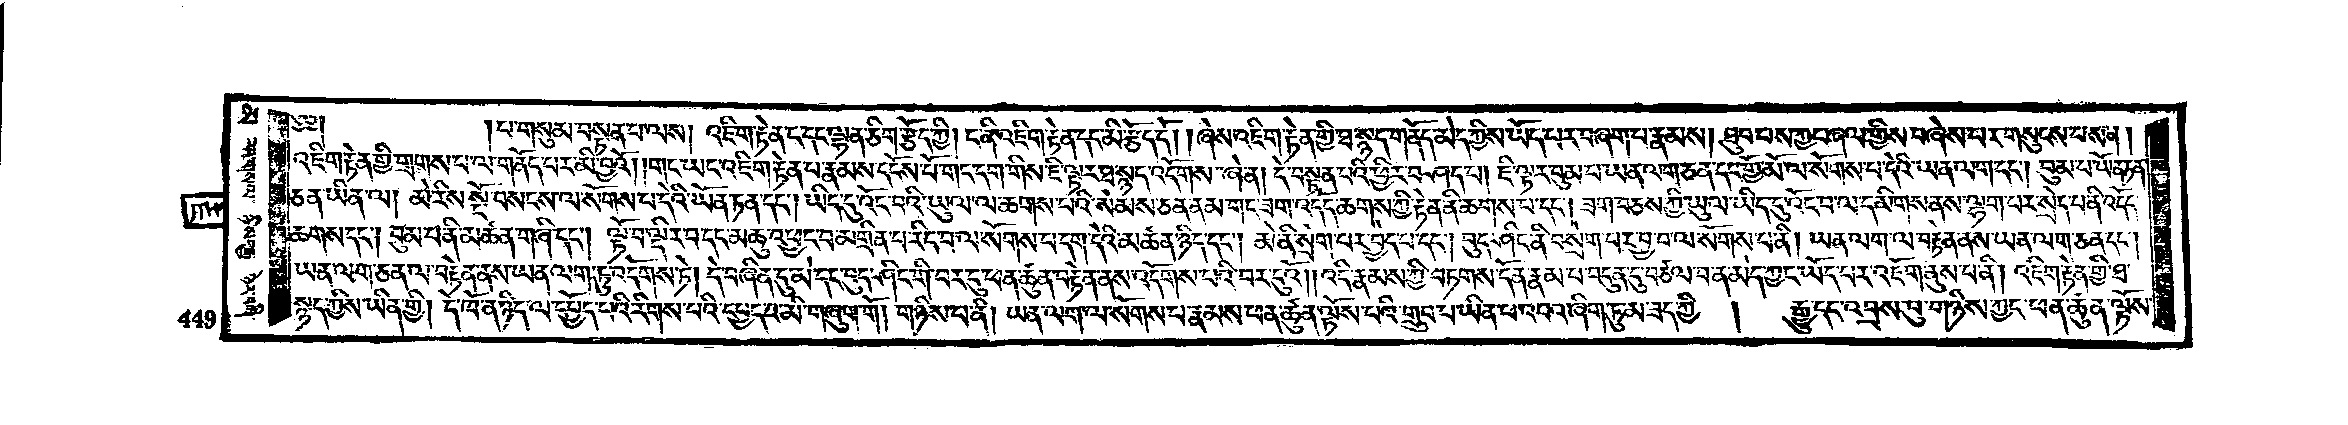༄༅། །པ་གསུམ་བསྟན་པ་ལས། འཇིག་རྟེན་ང་དང་ལྷན་ཅིག་རྩོད་ཀྱི། ང་ནི་འཇིག་རྟེན་དང་མི་རྩོད་དོ། །ཞེས་འཇིག་རྟེན་གྱི་ཐ་སྙད་གནོད་མེད་ཀྱིས་ཡོད་པར་བཞག་པ་རྣམས། ཐུབ་པས་ཀྱང་ཞལ་གྱིས་བཞེས་པར་གསུངས་པས་ན། །
འཇིག་རྟེན་གྱི་གྲགས་པ་ལ་གནོད་པར་མི་བྱའོ། །གང་ཡང་འཇིག་རྟེན་པ་རྣམས་དངོས་པོ་གང་དག་གིས་ཇི་ལྟར་ཐ་སྙད་འདོགས་ཞེ་ན། དེ་བསྟན་པའི་ཕྱིར་བཤད་པ། ཇི་ལྟར་བུམ་པ་ཡན་ལག་ཅན་དང་གྱོ་མོ་ལ་སོགས་པ་དེའི་ཡན་ལག་དང་། བུམ་པ་ཡོན་ཏན་
ཅན་ཡིན་ལ། མེ་རིས་སྔོ་བསངས་ལ་སོགས་པ་དེའི་ཡོན་ཏན་དང་། ཡིད་དུ་འོང་བའི་ཡུལ་ལ་ཆགས་པའི་སེམས་ཅན་ནམ་གང་ཟག་འདོད་ཆགས་ཀྱི་རྟེན་ནི་ཆགས་པ་དང་། ཟག་བཅས་ཀྱི་ཡུལ་ཡིད་དུ་འོང་བ་ལ་དམིགས་ནས་ལྷག་པར་སྲེད་པ་ནི་འདོད་
ཆགས་དང་། བུམ་པ་ནི་མཚན་གཞི་དང་། ལྟོ་བ་ལྡིར་བ་དང་མཆུ་འཕྱང་བ་མགྲིན་པ་རིང་བ་ལ་སོགས་པ་དག་དེའི་མཚན་ཉིད་དང་། མེ་ནི་སྲེག་པར་བྱེད་པ་དང་། བུད་ཤིང་ནི་བསྲེག་པར་བྱ་བ་ལ་སོགས་པ་ནི། ཡན་ལག་ལ་བརྟེན་ནས་ཡན་ལག་ཅན་དང་།
ཡན་ལག་ཅན་ལ་བརྟེན་ནས་ཡན་ལག་ཏུ་འདོགས་ཏེ། དེ་བཞིན་དུ་མེད་དང་བུད་ཤིང་གི་བར་དུ་ཕན་ཚུན་བརྟེན་ནས་འདོགས་པའི་བར་དུའོ། །འདི་རྣམས་ཀྱི་བཏགས་དོན་རྣམ་པ་བདུན་དུ་བཙལ་བ་ན་མེད་ཀྱང་ཡོད་པར་འཇོག་ནུས་པ་ནི། འཇིག་རྟེན་གྱི་ཐ་
སྙད་ཀྱིས་ཡིན་གྱི། དེ་ཁོ་ན་ཉིད་ལ་དཔྱོད་པའི་རིགས་པའི་དཔྱད་པ་མི་གཞུག་གོ །གཉིས་པ་ནི། ཡན་ལག་ལ་སོགས་པ་རྣམས་ཕན་ཚུན་ལྟོས་པའི་གྲུབ་པ་ཡིན་པ་འབའ་ཞིག་ཏུ་མ་ཟད་ཀྱི་། རྒྱུ་དང་འབྲས་བུ་གཉིས་ཀྱང་ཕན་ཚུན་ལྟོས་